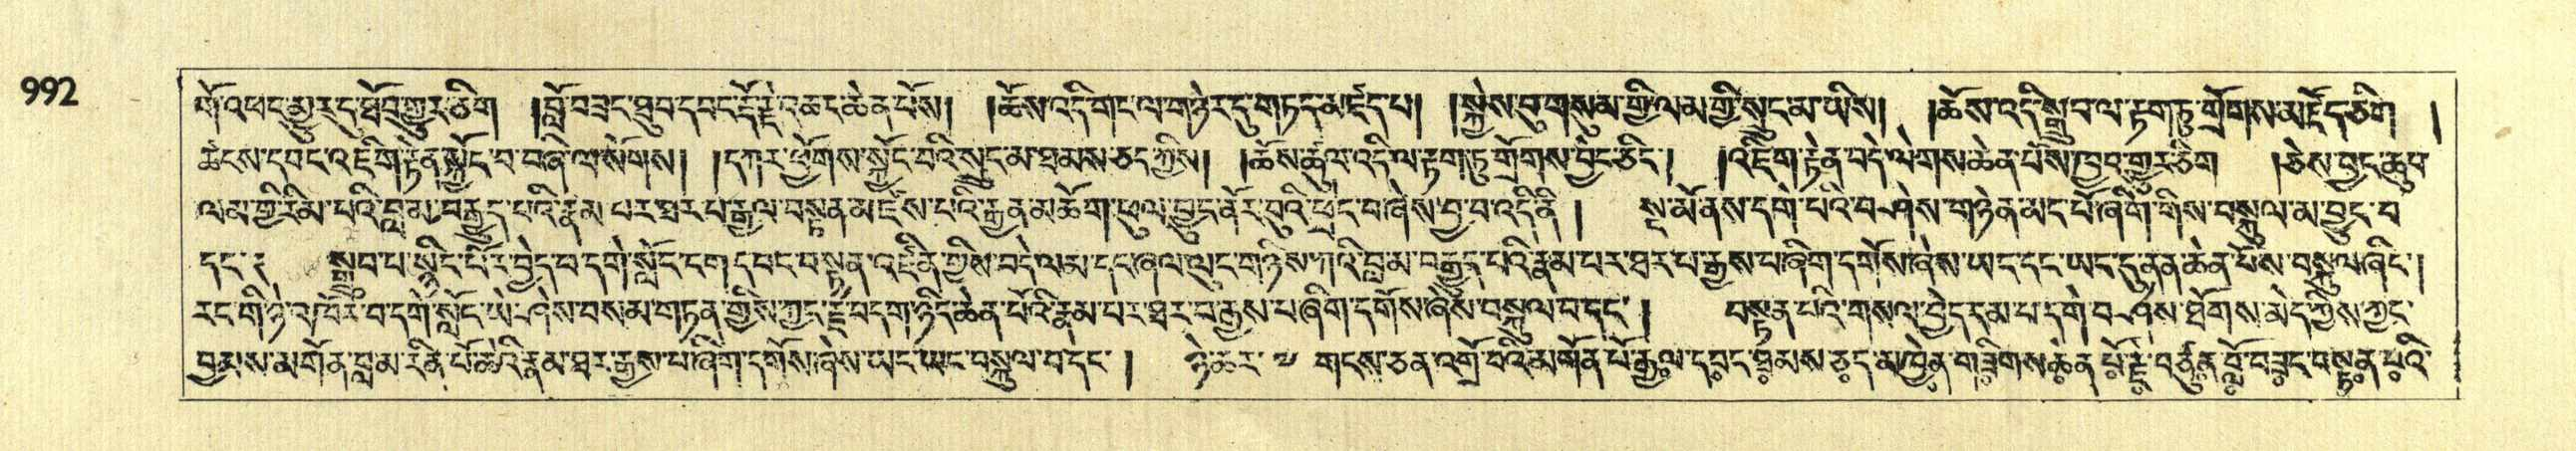གོ་འཕང་མྱུར་དུ་ཐོབ་གྱུར་ཅིག །བློ་བཟང་ཐུབ་དབང་རྡོ་རྗེ་འཆང་ཆེན་པོས། །ཆོས་འདི་གང་ལ་གཉེར་དུ་གཏད་མཛད་པ། །སྐྱེས་བུ་གསུམ་གྱི་ལམ་གྱི་སྲུང་མ་ཡིས། །ཆོས་འདི་སྒྲུབ་ལ་རྟག་ཏུ་གྲོགས་མཛོད་ཅིག །
ཚངས་དབང་འཇིག་རྟེན་སྐྱོང་བ་བཞི་ལ་སོགས། །དཀར་ཕྱོགས་སྐྱོང་བའི་སྲུང་མ་ཐམས་ཅད་ཀྱིས། །ཆོས་ཚུལ་འདི་ལ་རྟག་ཏུ་གྲོགས་བྱེད་ཅིང་། །འཇིག་རྟེན་བདེ་ལེགས་ཆེན་པོས་ཁྱའ་གྱུར་ཅིག །ཅེས་བྱང་ཆུབ་
ལམ་གྱི་རིམ་པའི་བླ་མ་བརྒྱུད་པའི་རྣམ་པར་ཐར་པ་རྒྱལ་བསྟན་མཛེས་པའི་རྒྱན་མཆོག་ཕུལ་བྱུང་ནོར་བུའི་ཕྲེང་བ་ཞེས་བྱ་བ་འདི་ནི། སྔ་མོ་ནས་དགེ་པའི་བཤེས་གཉེན་མང་པོ་ཞིག་གིས་བསྐུལ་མ་བྱུང་བ་
དང༑ སྒྲུབ་པ་སྙིང་པོར་བྱེད་པ་དགེ་སློང་ངག་དབང་བསྙན་འཛིན་གྱིས་བདེ་ལམ་དང་ཞལ་ལུང་གཉིས་ཀའི་བླ་མ་བརྒྱུད་པའི་རྣམ་པར་ཐར་པ་རྒྱས་པ་ཞིག་དགོས་ཞེས་ཡང་དང་ཡང་དུ་ནན་ཆེན་པོས་བསྐུལ་ཞིང་།
རང་གི་ཉེ་འཁོར་བ་དགེ་སློང་ཡེ་ཤེས་བསམ་གཏན་གྱིས་ཀྱང་རྗེ་བདག་ཉིད་ཆེན་པོའི་རྣམ་པར་ཐར་པ་རྒྱས་པ་ཞིག་དགོས་ཞེས་བསྐུལ་བ་དང་། བསྟན་པའི་གསལ་བྱེད་དམ་པ་དགེ་བཤེས་ཐོགས་མེད་ཀྱིས་ཀྱང་
བྱམས་མགོན་བླ་མ་རིན་པོ་ཆེའི་རྣམ་ཐར་རྒྱས་པ་ཞིག་དགོས་ཞེས་ཡང་ཡང་བསྐུལ་བ་དང་། ཉེ་ཆར་༧་གངས་ཅན་འགྲོ་བའི་མགོན་པོ་རྒྱལ་དབང་ཐམས་ཅད་མཁྱེན་གཟིགས་ཆེན་པོ་རྗེ་བཙུན་བློ་བཟང་བསྟན་པའི་